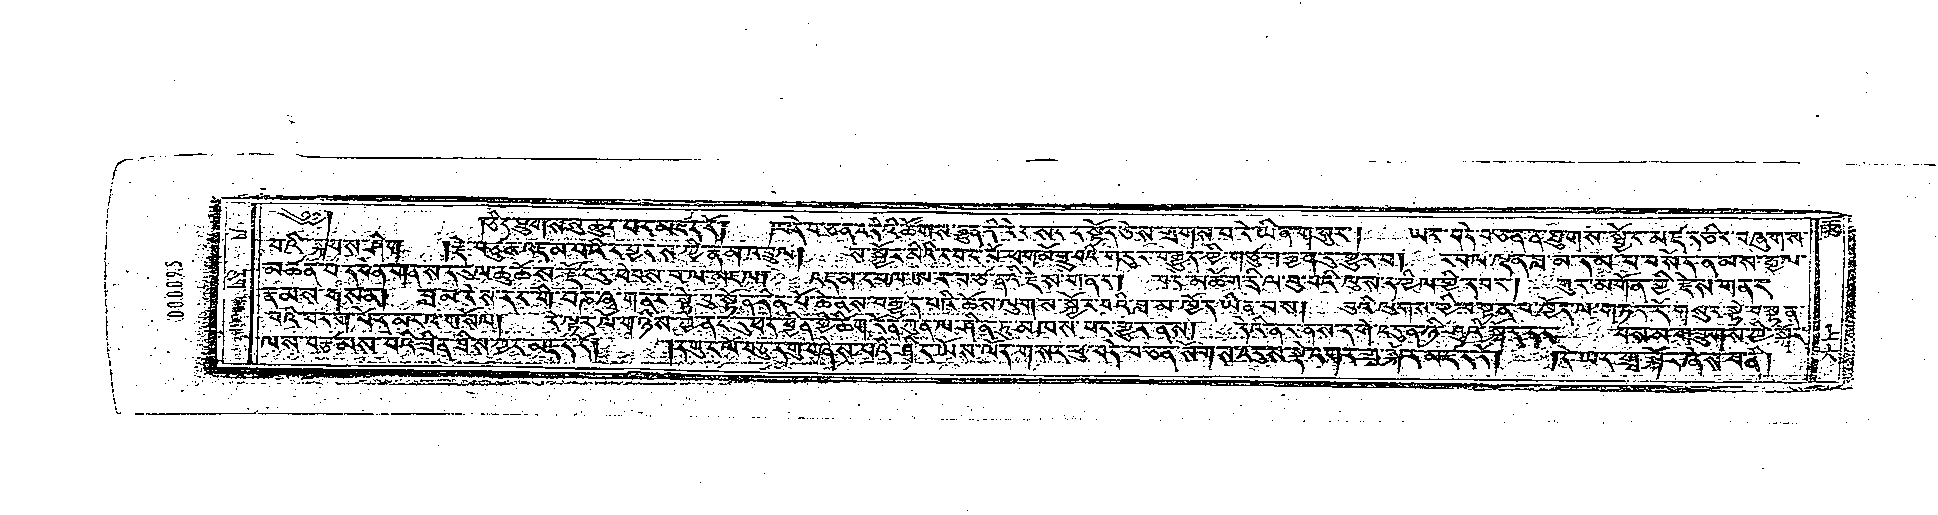༄༅། །ཅིང་ཐུགས་སུ་ཆུད་བར་མཛད་དོ། །བདེ་བ་ཅན་འདིའི་ཚོགས་རྒྱུན་ནི་དེང་སང་ར་སྟོད་ཅེས་གྲགས་བ་དེ་ཡིན་གསུང་། ཡང་བདེ་བ་ཅན་ན་ཐུགས་སྦྱོང་མཛད་ཅིང་བཞུགས་
པའི་སྐབས་ཤིག །རྗེ་བཙུན་འཇམ་བའི་དབྱངས་ཀྱི་རྣམ་འཕྲུལ། ས་སྐྱོང་མིའི་དབང་པོ་ཕག་མོ་གྲུ་བའི་གདུང་བརྒྱུད་ཀྱི་གཙུག་རྒྱན་དུ་གྱུར་བ། དབལ་ལྡན་བླ་མ་དམ་པ་བསོད་ནམས་རྒྱལ་
མཚན་པ་དབེན་གནས་དངུལ་ཆུ་ཆོས་རྫོང་དུ་ཕེབས་བ་ལ་མཇལ། འཇམ་དཔལ་ཨ་ར་པ་ཙ་ནའི་རྗེས་གནང་། བདེ་མཆོག་དྲིལ་བུ་བའི་ལུས་དཀྱིལ་གྱི་དབང་། གུར་མགོན་གྱི་རྗེས་གནད་
རྣམས་གསན། བླ་མ་ངེས་རང་གི་པཎ་ཞྭ་གནང་སྟེ་བུ་སྟོན་རིན་པོ་ཆེ་ནས་བརྒྱུད་པའི་ཆོས་ལུགས་སྐྱོང་བའི་བླ་མ་ཁྱོད་ཡིན་པས། བུའི་ལུགས་ཀྱི་བསྟན་པ་ཁྱོད་ལ་གཏང་དེ་གསུང་སྟེ་བསྟན་
པའི་བདག་པོར་མངའ་གསོལ། དེ་ལྟར་ལོ་གཉིས་ཀྱི་ནང་དུ་ཕར་ཕྱིན་གྱི་ཚིག་དོན་ཀུན་ལ་ཤིན་ཏུ་མཁས་པར་གྱུར་ནས། དེའི་ནད་ནས་དགེ་འདུན་ཉི་ཤུའི་སྐོར་དང་བསམ་གཟུགས་ཀྱི་སྐོར་
ལས་བརྩམས་པའི་ཟིན་བྲིས་ཀྱང་མཛད་དོ། །དགུང་ལོ་བཅུ་དགུ་པ་ཞེས་པའི་ཤིང་ཡོས་ལོར་གསང་ཕུ་བདེ་བ་ཅན་སོགས་འདུས་སྡེ་འགར་གྲྭ་སྐོར་མཛད་དོ། །དེ་ཡང་གྲྭ་སྐོར་ཞེས་པ་ནི།